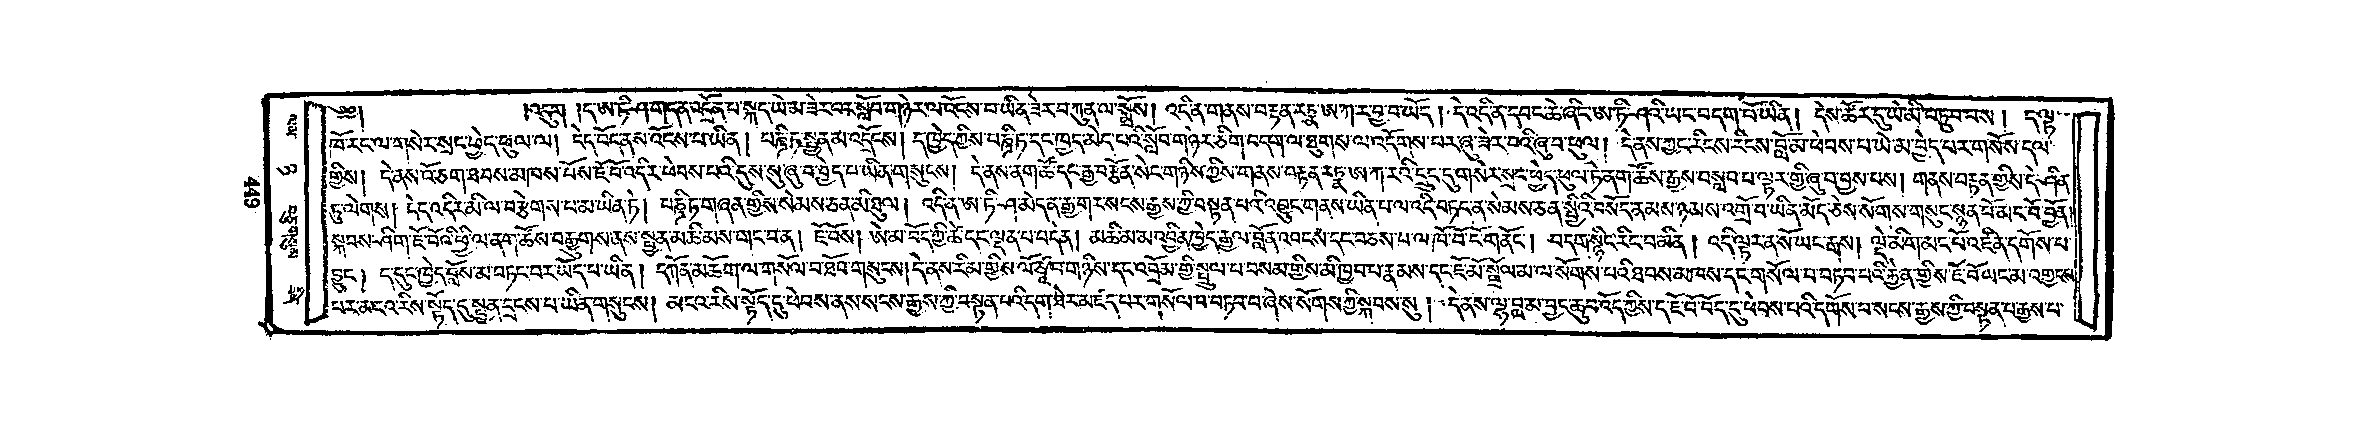༄༅། །འདུག །ད་ཨ་ཏི་ཤ་གདན་འདྲོན་པ་སྐད་ཡེ་མ་ཟེར་བར་སློབ་གཉེར་ལ་འོངས་པ་ཡིན་ཟེར་བ་ཀུན་ལ་སྨྲོས། འདི་ན་གནས་བརྟན་རཏྣ་ཨ་ཀ་ར་བྱ་བ་ཡོད། དེ་འདི་ན་དབང་ཆེ་ཞིང་ཨ་ཏི་ཤའི་ཡང་བདག་པོ་ཡིན། དེས་ཚོར་དུ་ཡེ་མི་བཏུབ་པས། ད་ལྟ་
ཁོ་རང་ལ་གསེར་སྲང་ཕྱེད་ཕུལ་ལ། ངེད་བོད་ནས་འོངས་པ་ཡིན། པཎྜི་ཏ་སྤྱན་མ་འདྲོངས། ད་ཁྱེད་ཀྱིས་པཎྜིཏ་དང་ཁྱད་མེད་པའི་སློབ་གཉེར་ཅིག་བདག་ལ་ཐུགས་ལ་འདོགས་པར་ཞུ་ཟེར་བའི་ཞུ་བ་ཕུལ། དེ་ནས་ཀྱང་རིངས་རིངས་བློ་མ་ཕེབས་པ་ཡེ་མ་བྱེད་པར་གསོས་དལ་
གྱིས། དེ་ནས་འོ་ཅག་ཐབས་མཁས་པོས་ཇོ་བོ་འདིར་ཕེབས་པའི་དུས་སུ་ཞུ་བ་བྱེད་པ་ཡིན་གསུངས། དེ་ནས་ནག་ཚོ་དང་རྒྱ་བརྩོན་སེང་གཉིས་ཀྱིས་གནས་བརྟན་རཏྣ་ཨ་ཀ་རའི་དྲུང་དུ་གསེར་སྲང་ཕྱེད་ཕུལ་ཏེ་ནག་ཚོས་རྒྱས་བསླབ་པ་ལྟར་གྱི་ཞུ་བ་བྱས་པས། གནས་བརྟན་གྱིས་དེ་ཤིན་
ཏུ་ལེགས། དེད་འདིར་མི་ལ་བརྩེགས་པ་མ་ཡིན་ཏེ། པཎྜི་ཏ་གཞན་གྱིས་སེམས་ཅན་མི་ཐུལ། འདི་ན་ཨ་ཏི་ཤ་མེད་ན་རྒྱ་གར་སངས་རྒྱས་ཀྱི་བསྟན་པའི་འབྱུང་གནས་ཡིན་པ་ལ་འདི་བཏང་ན་སེམས་ཅན་སྤྱིའི་བསོད་ནམས་ཉམས་འགྲོ་བ་ཡིན་མོད་ཅེས་སོགས་གསུངས་སྙན་པོ་མང་བོ་བྱོན།
སྐབས་ཤིག་ཇོ་བོའི་ཕྱི་ལ་ནག་ཚོས་བརྒྱུགས་ནས་སྤྱན་མཆི་མས་གང་བ་ན། ཇོ་བོས། ཨེ་མ་བོད་ཀྱི་ཚེ་དང་ལྡན་པ་བདེན། མཆི་མ་མ་འབྱིན་ཁྱེད་རྒྱལ་བློན་འབངས་དང་བཅས་པ་ལ་ཁོ་བོ་ངོ་གནོང་། བདག་སྙིང་རིང་བ་མིན། འདི་ལྟར་ན་སོ་ཡང་རྒས། ལྡེ་མིག་མང་པོ་འཛིན་དགོས་པ་
བྱུང་། ད་དུང་ཁྱེད་བློས་མ་བཏང་བར་ཡོད་པ་ཡིན། དཀོན་མཆོག་ལ་གསོལ་བ་ཐོབ་གསུངས། དེ་ནས་རིམ་གྱིས་ལོ་ཙཱ་བ་གཉིས་དང་འབྲོམ་གྱི་སྤྲུལ་པ་བསམ་གྱིས་མི་ཁྱབ་པ་རྣམས་དང་ཇོ་མོ་སྒྲོལ་མ་ལ་སོགས་པའི་ཐབས་མཁས་དང་གསོལ་བ་བཏབ་པའི་རྐྱེན་གྱིས་ཇོ་བོ་ཡང་མ་འགྱངས་
པར་མངའ་རིས་སྟོད་དུ་སྤྱན་དྲངས་པ་ཡིན་གསུངས། མངའ་རིས་སྟོད་དུ་ཕེབས་ནས་སངས་རྒྱས་ཀྱི་བསྟན་པའི་དག་ཐེར་མཛད་པར་གསོལ་བ་བཏབ་པ་ཞེས་སོགས་ཀྱི་སྐབས་སུ། དེ་ནས་ལྷ་བླ་མ་བྱང་ཆུབ་འོད་ཀྱིས་ད་ཇོ་བོ་བོད་དུ་ཕེབས་པའི་དགོས་པ་སངས་རྒྱས་ཀྱི་བསྟན་པ་རྒྱས་པ་